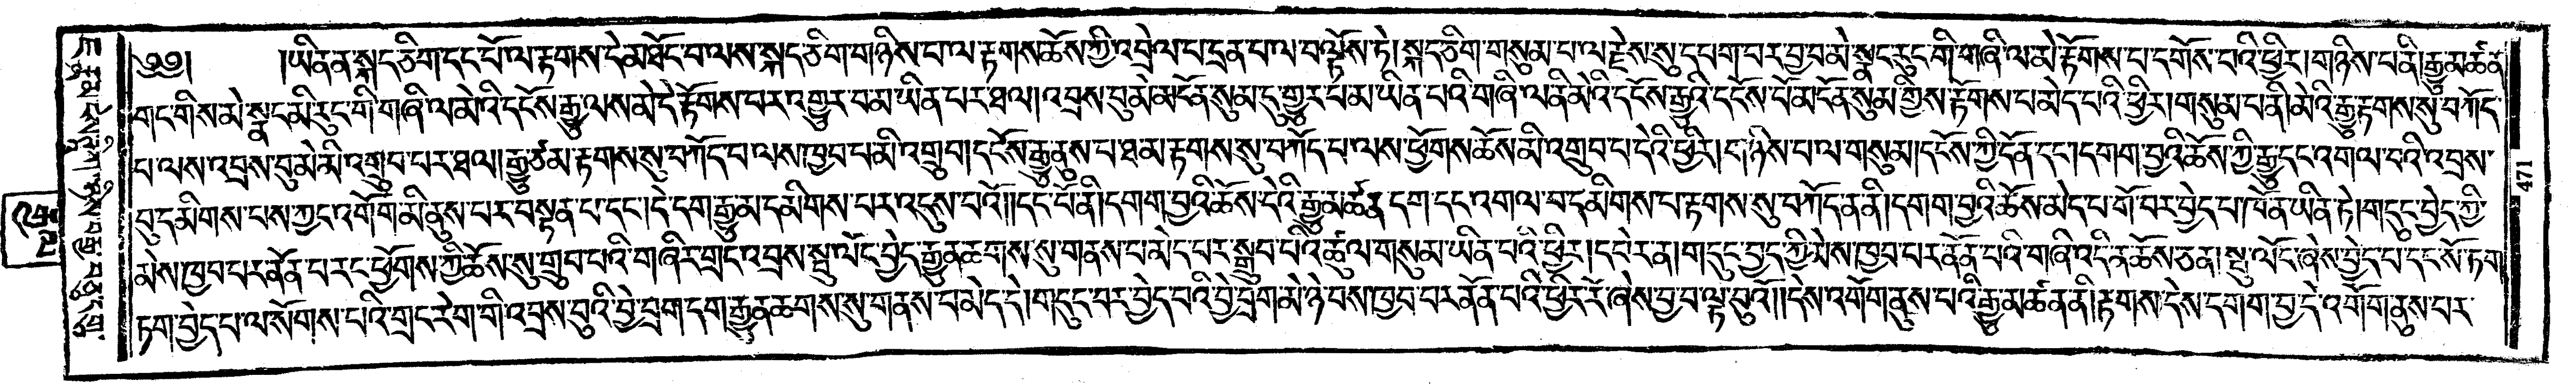༄༅། །ཡིན་ན་སྐད་ཅིག་དང་པོ་ལ་རྟགས་དེ་མཐོང་བ་ལས་སྐད་ཅིག་གཉིས་པ་ལ་རྟགས་ཆོས་ཀྱི་འབྲེལ་པ་དྲན་པ་ལ་བལྟོས་ཏེ། སྐད་ཅིག་གསུམ་པ་ལ་རྗེས་སུ་དཔག་པར་བྱ་བ་མེ་སྣང་རུང་གི་གཞི་ལ་མེ་རྟོགས་པ་དགོས་པའི་ཕྱིར། གཉིས་པ་ནི། རྒྱུ་མཚན་
གང་གིས་མེ་སྣང་མི་རུང་གི་གཞི་ལ་མེའི་དངོས་རྒྱུ་ལས་མེ་དེ་རྟོགས་པར་འགྱུར་བ་མ་ཡིན་པར་ཐལ། འབྲས་བུ་མེ་མངོན་སུམ་དུ་གྱུར་པ་མ་ཡིན་པའི་གཞི་ལ་ནི་མེའི་དངོས་རྒྱུའི་དངོས་པོ་མངོན་སུམ་གྱིས་རྟོགས་པ་མེད་པའི་ཕྱིར། གསུམ་པ་ནི། མེའི་རྒྱུ་རྟགས་སུ་བཀོད་
པ་ལས་འབྲས་བུ་མེ་མི་འགྲུབ་པར་ཐལ། རྒྱུ་ཙམ་རྟགས་སུ་བཀོད་པ་ལས་ཁྱབ་པ་མི་འགྲུབ། དངོས་རྒྱུ་ནུས་པ་ཐ་མ་རྟགས་སུ་བཀོད་པ་ལས་ཕྱོགས་ཆོས་མི་འགྲུབ་པ་དེའི་ཕྱིར། གཉིས་པ་ལ་གསུམ། དངོས་ཀྱི་དོན་དང་། དགག་བྱའི་ཆོས་ཀྱི་རྒྱུ་དང་འགལ་བའི་འབྲས་
བུ་དམིགས་པས་ཀྱང་འགོག་མི་ནུས་པར་བསྟན་པ་དང་། དེ་དག་རྒྱུ་མ་དམིགས་པར་འདུས་པའོ། །དང་པོ་ནི། དགག་བྱའི་ཆོས་དེའི་རྒྱུ་མཚན་དག་དང་འགལ་བ་དམིགས་པ་རྟགས་སུ་བཀོད་ན་ནི། དགག་བྱའི་ཆོས་མེད་པ་གོ་བར་བྱེད་པ་ཁོ་ན་ཡིན་ཏེ། གདུང་བྱེད་ཀྱི་
མེས་ཁྱབ་པར་ནོན་པ་རང་ཕྱོགས་ཀྱི་ཆོས་སུ་གྲུབ་པའི་གཞིར་གྲང་འབྲས་སྤུ་ལོང་བྱེད་རྒྱུན་ཆགས་སུ་གནས་པ་མེད་པར་སྒྲུབ་པའི་ཚུལ་གསུམ་ཡིན་པའི་ཕྱིར། དཔེར་ན། གདུང་བྱད་ཀྱི་མེས་ཁྱབ་པར་ནོན་པའི་གཞི་འདི་ན་ཆོས་ཅན། སྤུ་ལོང་ཞེས་བྱེད་པ་དང་སོ་ཏག་
ཏག་བྱེད་པ་ལ་སོགས་པའི་གྲང་རེག་གི་འབྲས་བུའི་བྱེ་བྲག་དག་རྒྱུན་ཆགས་སུ་གནས་པ་མེད་དེ། གདུང་བར་བྱེད་པའི་བྱེ་བྲག་མེ་ཉེ་བས་ཁྱབ་པར་ནོན་པའི་ཕྱིར་རོ་ཞེས་བྱ་བ་ལྟ་བུའོ། །དེས་འགོག་ནུས་པའི་རྒྱུ་མཚན་ནི། རྟགས་དེས་དགག་བྱ་དེ་འགོག་ནུས་པར་